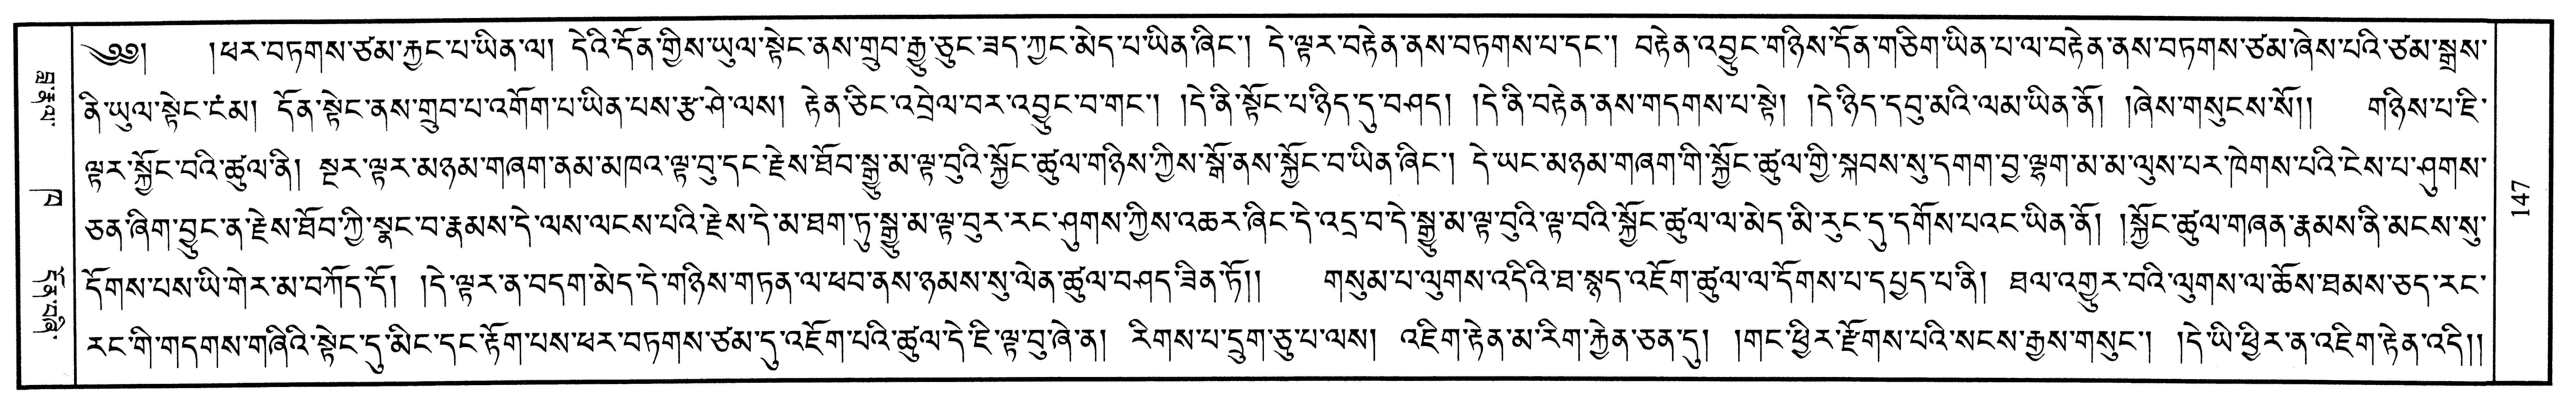༄༅། །ཕར་བཏགས་ཙམ་རྐྱང་པ་ཡིན་ལ། དེའི་དོན་གྱིས་ཡུལ་སྟེང་ནས་གྲུབ་རྒྱུ་ཅུང་ཟད་ཀྱང་མེད་པ་ཡིན་ཞིང་། དེ་ལྟར་བརྟེན་ནས་བཏགས་པ་དང་། བརྟེན་འབྱུང་གཉིས་དོན་གཅིག་ཡིན་པ་ལ་བརྟེན་ནས་བཏགས་ཙམ་ཞེས་པའི་ཙམ་སྒྲས་
ནི་ཡུལ་སྟེང་ངམ། དོན་སྟེང་ནས་གྲུབ་པ་འགོག་པ་ཡིན་པས་རྩ་ཤེ་ལས། རྟེན་ཅིང་འབྲེལ་བར་འབྱུང་བ་གང་། །དེ་ནི་སྟོང་པ་ཉིད་དུ་བཤད། །དེ་ནི་བརྟེན་ནས་གདགས་པ་སྟེ། །དེ་ཉིད་དབུ་མའི་ལམ་ཡིན་ནོ། །ཞེས་གསུངས་སོ།། གཉིས་པ་ཇི་
ལྟར་སྐྱོང་བའི་ཚུལ་ནི། སྔར་ལྟར་མཉམ་གཞག་ནམ་མཁའ་ལྟ་བུ་དང་རྗེས་ཐོབ་སྒྱུ་མ་ལྟ་བུའི་སྐྱོང་ཚུལ་གཉིས་ཀྱིས་སྒོ་ནས་སྐྱོང་བ་ཡིན་ཞིང་། དེ་ཡང་མཉམ་གཞག་གི་སྐྱོང་ཚུལ་གྱི་སྐབས་སུ་དགག་བྱ་ལྷག་མ་མ་ལུས་པར་ཁེགས་པའི་ངེས་པ་ཤུགས་
ཅན་ཞིག་བྱུང་ན་རྗེས་ཐོབ་ཀྱི་སྣང་བ་རྣམས་དེ་ལས་ལངས་པའི་རྗེས་དེ་མ་ཐག་ཏུ་སྒྱུ་མ་ལྟ་བུར་རང་ཤུགས་ཀྱིས་འཆར་ཞིང་དེ་འདྲ་བ་དེ་སྒྱུ་མ་ལྟ་བུའི་ལྟ་བའི་སྐྱོང་ཚུལ་ལ་མེད་མི་རུང་དུ་དགོས་པའང་ཡིན་ནོ། །སྐྱོང་ཚུལ་གཞན་རྣམས་ནི་མངས་སུ་
དོགས་པས་ཡི་གེར་མ་བཀོད་དོ། །དེ་ལྟར་ན་བདག་མེད་དེ་གཉིས་གཏན་ལ་ཕབ་ནས་ཉམས་སུ་ལེན་ཚུལ་བཤད་ཏོ།། གསུམ་པ་ལུགས་འདིའི་ཐ་སྙད་འཇོག་ཚུལ་ལ་དོགས་པ་དཔྱད་པ་ནི། ཐལ་འགྱུར་བའི་ལུགས་ལ་ཆོས་ཐམས་ཅད་རང་
རང་གི་གདགས་གཞིའི་སྟེང་དུ་མིང་དང་རྟོག་པས་ཕར་བཏགས་ཙམ་དུ་འཇོག་པའི་ཚུལ་དེ་ཇི་ལྟ་བུ་ཞེ་ན། རིགས་པ་དྲུག་ཅུ་པ་ལས། འཇིག་རྟེན་མ་རིག་རྐྱེན་ཅན་དུ། །གང་ཕྱིར་རྫོགས་པའི་སངས་རྒྱས་གསུང་། །དེ་ཡི་ཕྱིར་ན་འཇིག་རྟེན་འདི།།